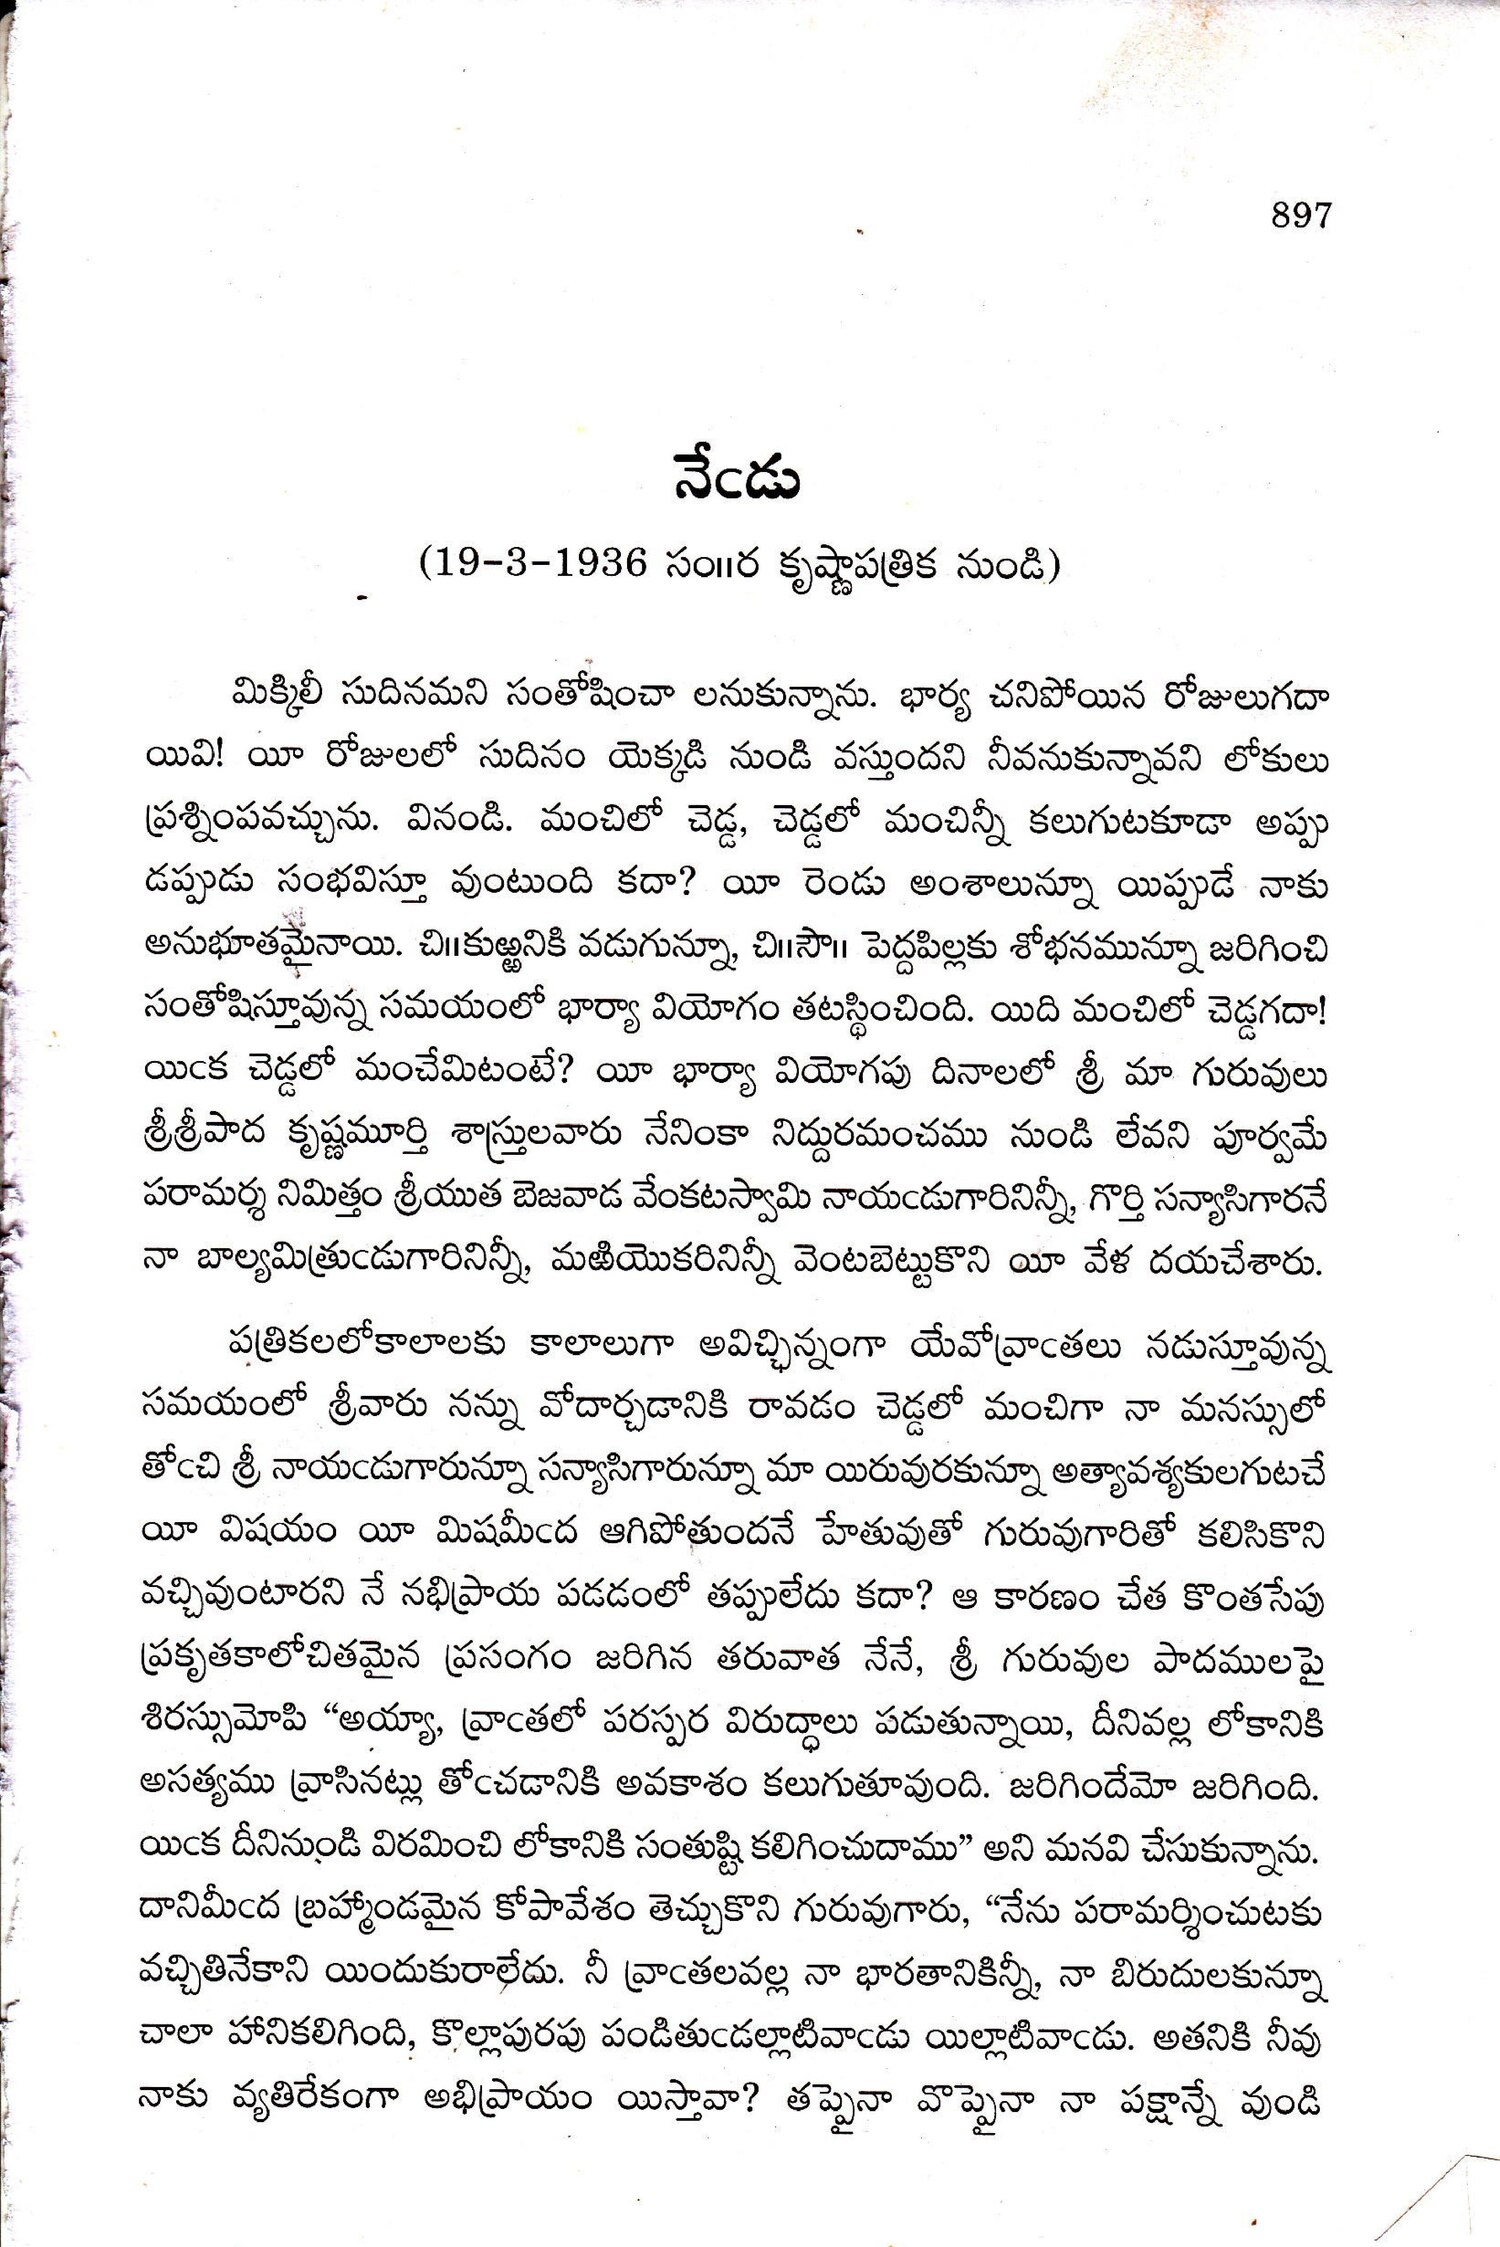నేఁడు
(19-3–1936 సం||ర కృష్ణాపత్రిక నుండి)

మిక్కిలీ సుదినమని సంతోషించా లనుకున్నాను. భార్య చనిపోయిన రోజులుగదా యివి! యీ రోజులలో సుదినం యెక్కడి నుండి వస్తుందని నీవనుకున్నావని లోకులు ప్రశ్నింపవచ్చును. వినండి. మంచిలో చెద్ద, చెడ్డలో మంచిన్నీ కలుగుటకూడా అప్పుడప్పడు సంభవిస్తూ వుంటుంది కదా? యీ రెండు అంశాలున్నూ యిప్పుడే నాకు అనుభూతమైనాయి. చి||కుఱ్ఱనికి వడుగున్నూ, చి||సౌ|| పెద్దపిల్లకు శోభనమున్నూ జరిగించి సంతోషిస్తూవున్న సమయంలో భార్యా వియోగం తటస్థించింది. యిది మంచిలో చెడ్డగదా! యిఁక చెడ్డలో మంచేమిటంటే? యీ భార్యా వియోగపు దినాలలో శ్రీ మా గురువులు శ్రీశ్రీపాద కృష్ణమూర్తి శాస్త్రులవారు నేనింకా నిద్దురమంచము నుండి లేవని పూర్వమే పరామర్శ నిమిత్తం శ్రీయుత బెజవాడ వేంకటస్వామి నాయఁడుగారినిన్నీ గొర్తి సన్యాసిగారనే
నా బాల్యమిత్రుఁడుగారినిన్నీ, మఱియొకరినిన్నీ వెంటబెట్టుకొని యీ వేళ దయచేశారు.

పత్రికలలోకాలాలకు కాలాలుగా అవిచ్ఛిన్నంగా యేవోవ్రాఁతలు నడుస్తూవున్న సమయంలో శ్రీవారు నన్ను వోదార్చడానికి రావడం చెడ్డలో మంచిగా నా మనస్సులో తోఁచి శ్రీ నాయఁడుగారున్నూ సన్యాసిగారున్నూ మా యిరువురకున్నూ అత్యావశ్యకులగుటచే యీ విషయం యీ మిషమీఁద ఆగిపోతుందనే హేతువుతో గురువుగారితో కలిసికొని వచ్చివుంటారని నే నభిప్రాయ పడడంలో తప్పులేదు కదా? ఆ కారణం చేత కొంతసేపు ప్రకృతకాలోచితమైన ప్రసంగం జరిగిన తరువాత నేనే, శ్రీ గురువుల పాదములపై శిరస్సుమోపి "అయ్యా, వ్రాఁతలో పరస్పర విరుద్ధాలు పడుతున్నాయి, దీనివల్ల లోకానికి అసత్యము వ్రాసినట్లు తోఁచడానికి అవకాశం కలుగుతూవుంది. జరిగిందేమో జరిగింది. యిఁక దీనినుండి విరమించి లోకానికి సంతుష్టి కలిగించుదాము" అని మనవి చేసుకున్నాను. దానిమీఁద బ్రహ్మాండమైన కోపావేశం తెచ్చుకొని గురువుగారు, "నేను పరామర్శించుటకు వచ్చితినేకాని యిందుకురాలేదు. నీ వ్రాఁతలవల్ల నా భారతానికిన్నీ నా బిరుదులకున్నూ చాలా హానికలిగింది, కొల్లాపురపు పండితుఁడల్లాటివాఁడు యిల్లాటివాఁడు. అతనికి నీవు నాకు వ్యతిరేకంగా అభిప్రాయం యిస్తావా? తప్పైనా వొప్పైనా నా పక్షాన్నే వుండి